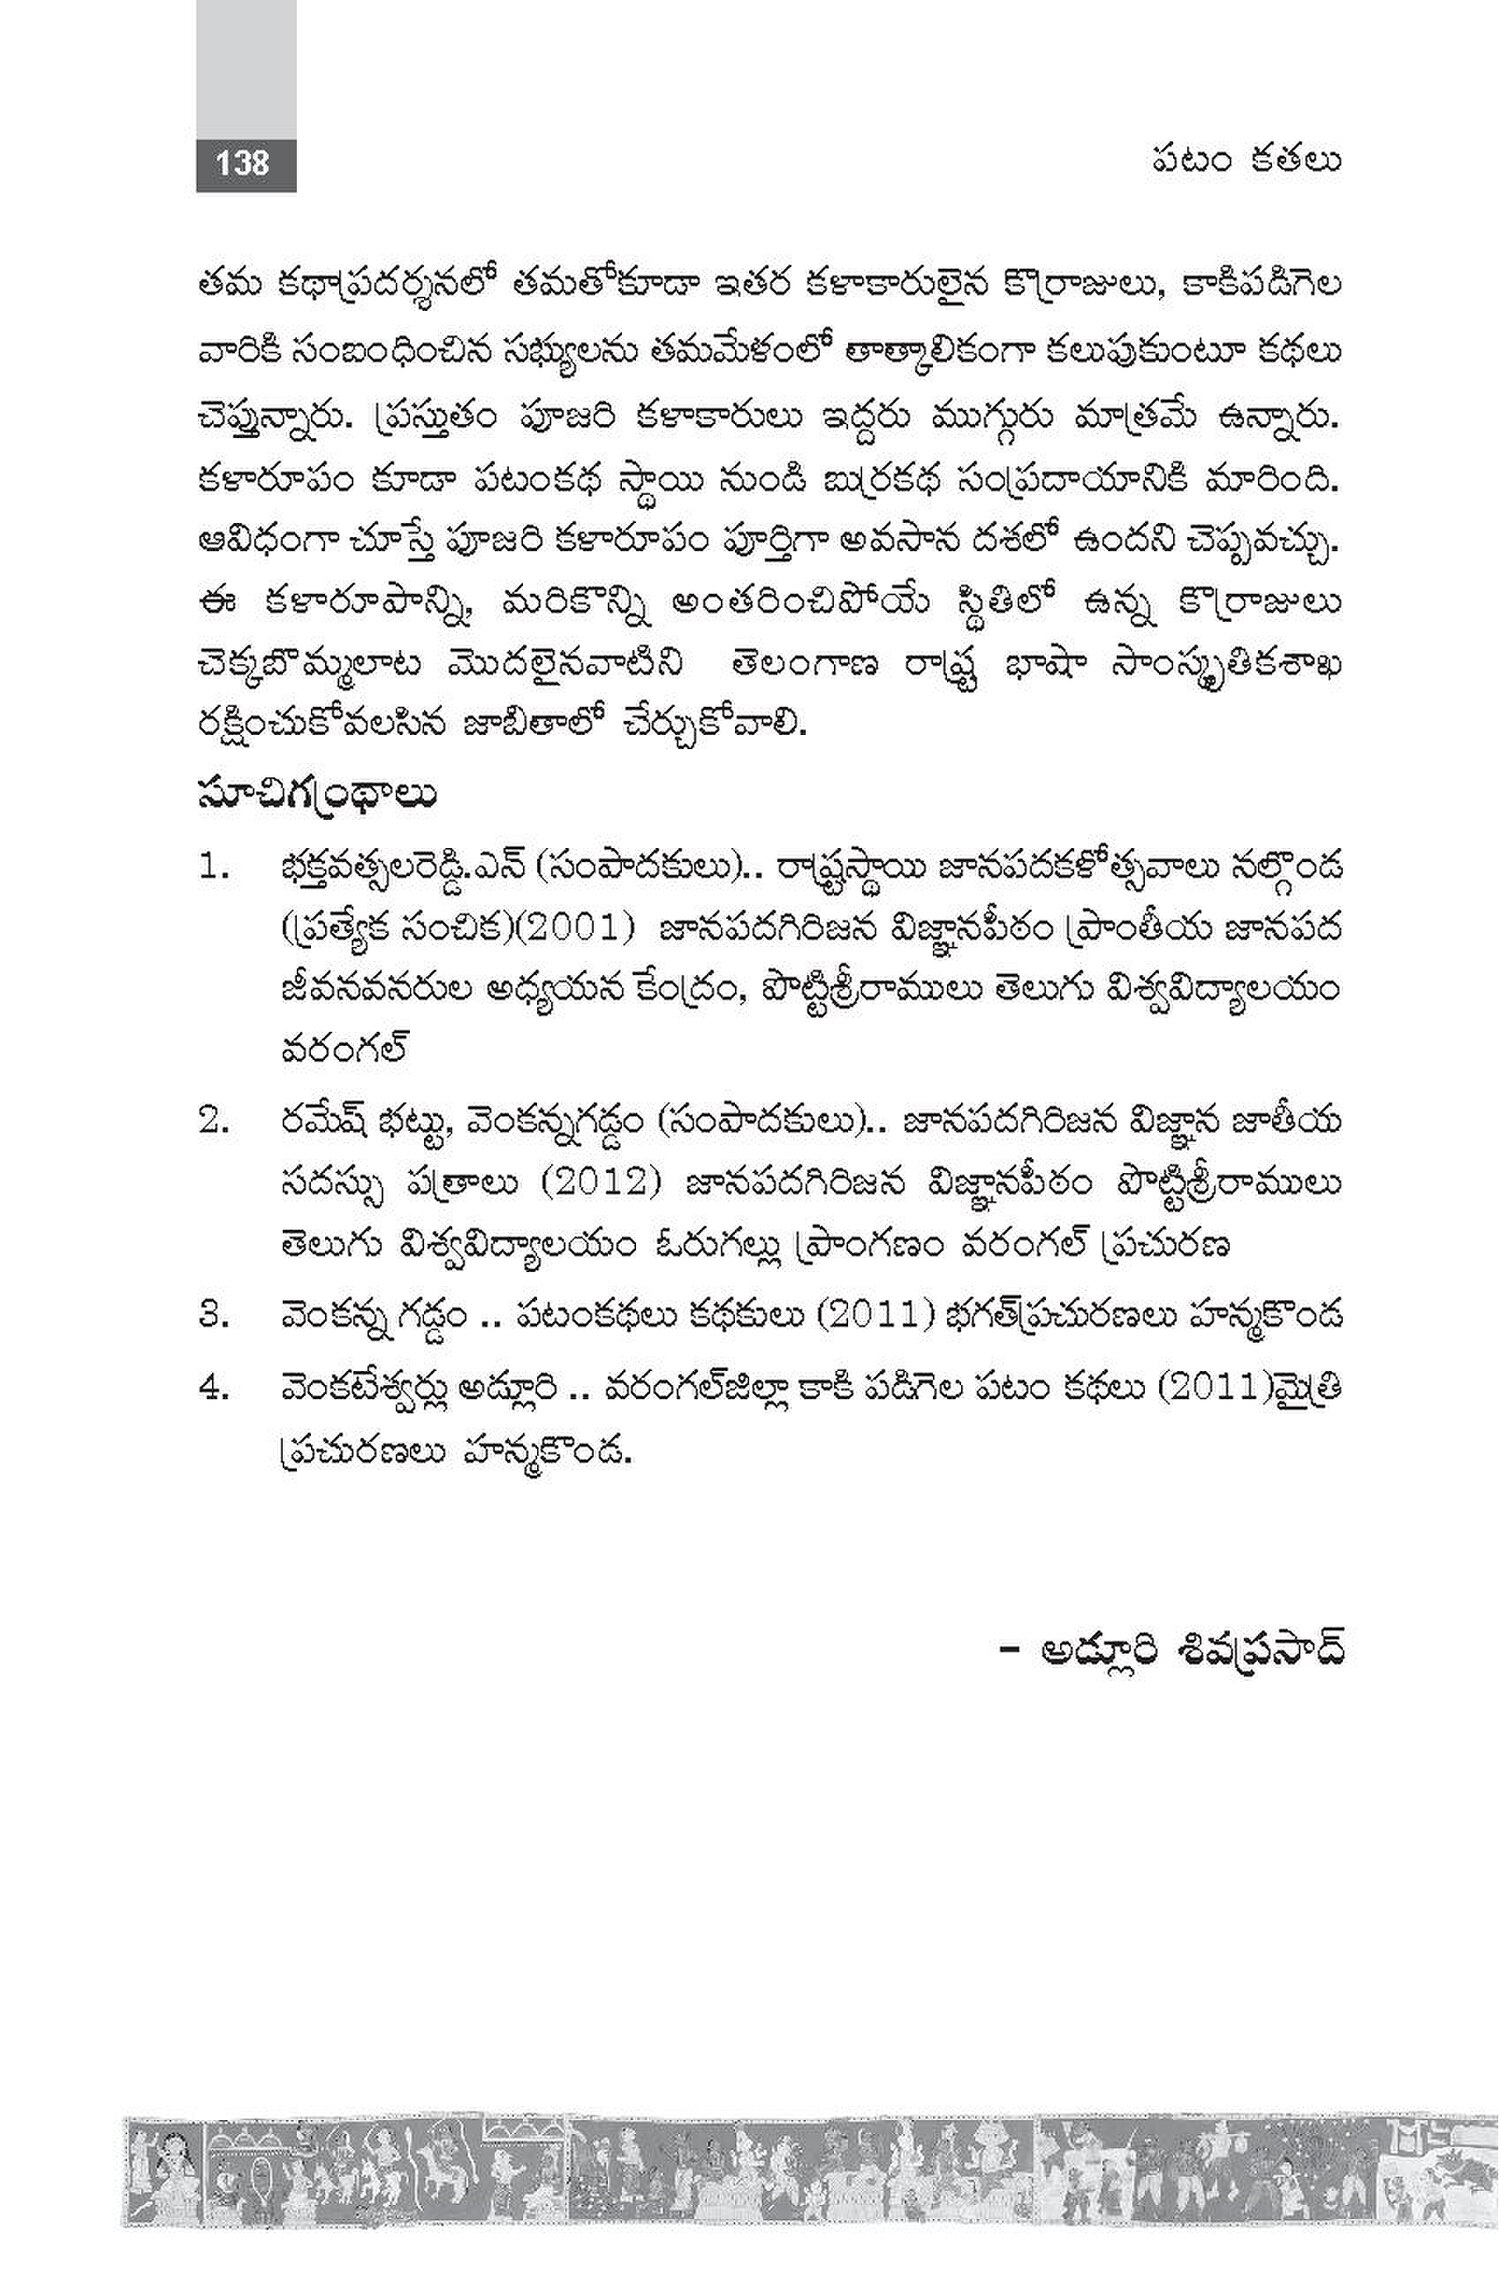తమ కథాప్రదర్శనలో తమతోకూడా ఇతర కళాకారులైన కొర్రాజులు, కాకిపడిగెల వారికి సంబంధించిన సభ్యులను తమమేళంలో తాత్కాలికంగా కలుపుకుంటూ కథలు చెప్తున్నారు. ప్రస్తుతం పూజరి కళాకారులు ఇద్దరు ముగ్గురు మాత్రమే ఉన్నారు. కళారూపం కూడా పటంకథ స్థాయి నుండి బుర్రకథ సంప్రదాయానికి మారింది. ఆవిధంగా చూస్తే పూజరి కళారూపం పూర్తిగా అవసాన దశలో ఉందని చెప్పవచ్చు. ఈ కళారూపాన్ని, మరికొన్ని అంతరించిపోయే స్థితిలో ఉన్న కొర్రాజులు చెక్కబొమ్మలాట మొదలైనవాటిని తెలంగాణ రాష్ట్ర భాషా సాంస్కృతికశాఖ రక్షించుకోవలసిన జాబితాలో చేర్చుకోవాలి.

సూచిగ్రంథాలు 

1. భక్తవత్సలరెడ్డి.ఎన్ (సంపాదకులు).. రాష్ట్రస్థాయి జానపదకకోత్సవాలు నల్గొండ (ప్రత్యేక సంచిక)(2001) జానపదగిరిజన విజ్ఞానపీఠం ప్రాంతీయ జానపద జీవనవనరుల అధ్యయన కేంద్రం, పొట్టిశ్రీరాములు తెలుగు విశ్వవిద్యాలయం వరంగల్

2. రమేష్ భట్టు, వెంకన్నగడ్డం (సంపాదకులు).. జానపదగిరిజన విజ్ఞాన జాతీయ సదస్సు పత్రాలు (2012) జానపదగిరిజన విజ్ఞానపీఠం పొట్టిశ్రీరాములు తెలుగు విశ్వవిద్యాలయం ఓరుగల్లు ప్రాంగణం వరంగల్ ప్రచురణ

3. వెంకన్న గడ్డం.. పటంకథలు కథకులు (2011) భగత్ ప్రచురణలు హన్మకొండ

4. వెంకటేశ్వర్లు అట్లూరి.. వరంగల్ జిల్లా కాకి పడిగెల పటం కథలు (2011)మైత్రి ప్రచురణలు హన్మకొండ.
-